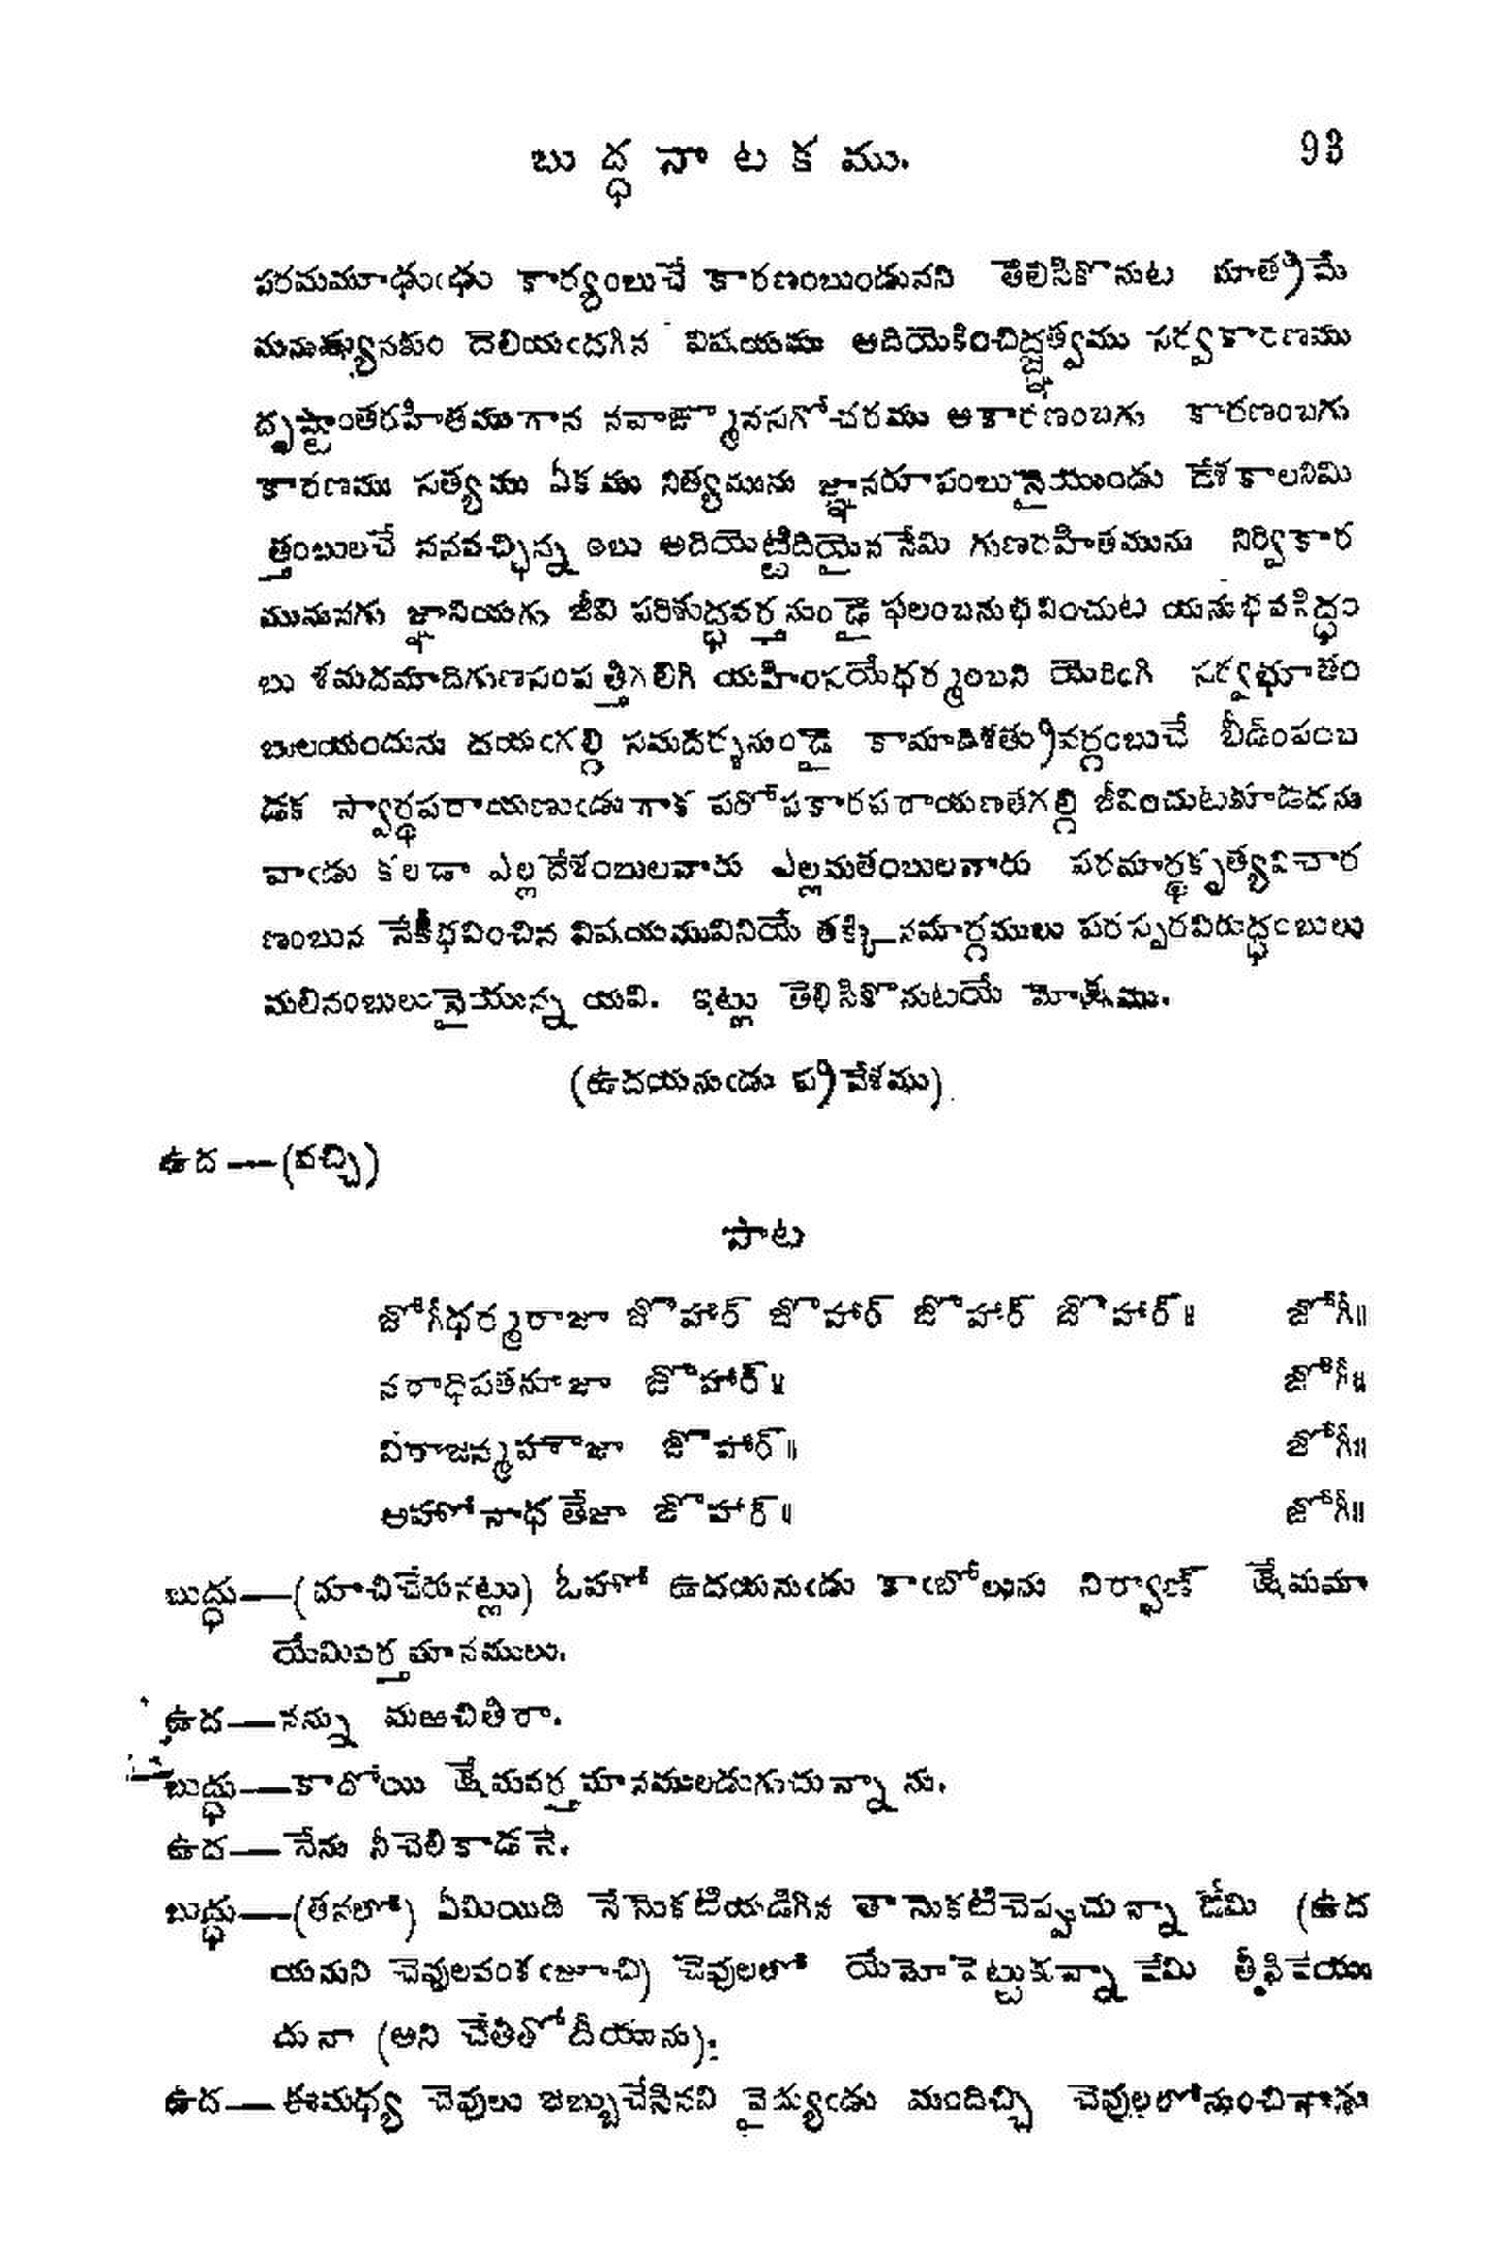పరమమూడుఁడు కార్యంబుచే కారణంబుండునని తెలిసికొనుట మాత్రమే మనుష్యునకుం దెలియఁదగిన విషయము ఆదియెకించి
దత్వము సర్వకారణము దృష్టాంతరహితముగాన నవాజ్యూనసగోచరము ఆకారణంబగు కారణంబగు కారణము సత్యము ఏకము 
నిత్యమును జ్ఞానరూపంబునైయుండు దేశకాలనిమిత్తంబులచే ననవచ్ఛిన్నంబు అదియెట్టిదియైననేమి గుణరహితమును నిర్వికారమునునగు జ్ఞానియగు జీవి పరిశుద్ధవర్తనుండై ఫలంబనుభవించుట యనుభవసిద్ధంలు శమదమాదిగుణసంపత్తిగలిగి యహింసయేధర్మంబని యెరిఁగి సర్వభూతంబులయందును దయఁగల్లి సమదర్శనుండై కామాదిశత్రువర్ణంబుచే బీడింపంబడక స్వార్థపరాయణుఁడుగాక పరోపకార పరాయణతగల్గి జీవించుటకూడదనువాడు కలడా ఎల్లదేశంబులవారు ఎల్లమతంబులవారు పరమార్థకృత్యవిచారణంబున నేకీభవించిన విషయమువినియే తక్కినమార్గములు పరస్పరవిరుద్ధంబులు మలినంబులునైయున్నయవి. ఇట్లు తెలిసికొనుటయే మోక్షము.

ఉద --- (వచ్చి)

జోగీధర్మరాజా జొహార్ జోహార్ జోహార్ జొహార్॥ జోగీ॥ 
నరాధిపకనూజా జోహార్॥ జోగీ॥ 
విరాజన్మహౌజా జొహార్॥ జోగీ॥ 
అహోసాధతేజా జొహార్॥ జోగీ॥  

బుద్ధు — (చూచిచేరునట్లు) ఓహో ఉదయనుఁడు కాఁబోలును నిర్వాణ్ క్షేమమాయేమివర్తమానములు,

ఉద - నన్ను మఱచితిరా.

బుద్దు - కాదోయి క్షేమవర్తమానములడుగుచున్నాను.

ఉద — నేను నీ చెలికాడనే.

బుద్ధు - తనలో) ఏమియిది సేసెకటియడిగిన తామొకటి చెప్పుచున్నాడెమి (ఉదయముని చెవులవంకఁజూచి) చెవులలో 
యేమోపెట్టుకున్నావేమి తీసివేయుదునా (అని చేతితోదీయును).

ఉద — ఈమధ్య చెవులు జబ్బుచేసినని వైద్యుఁడు మందిచ్చి చెవులలోనుంచినాడు